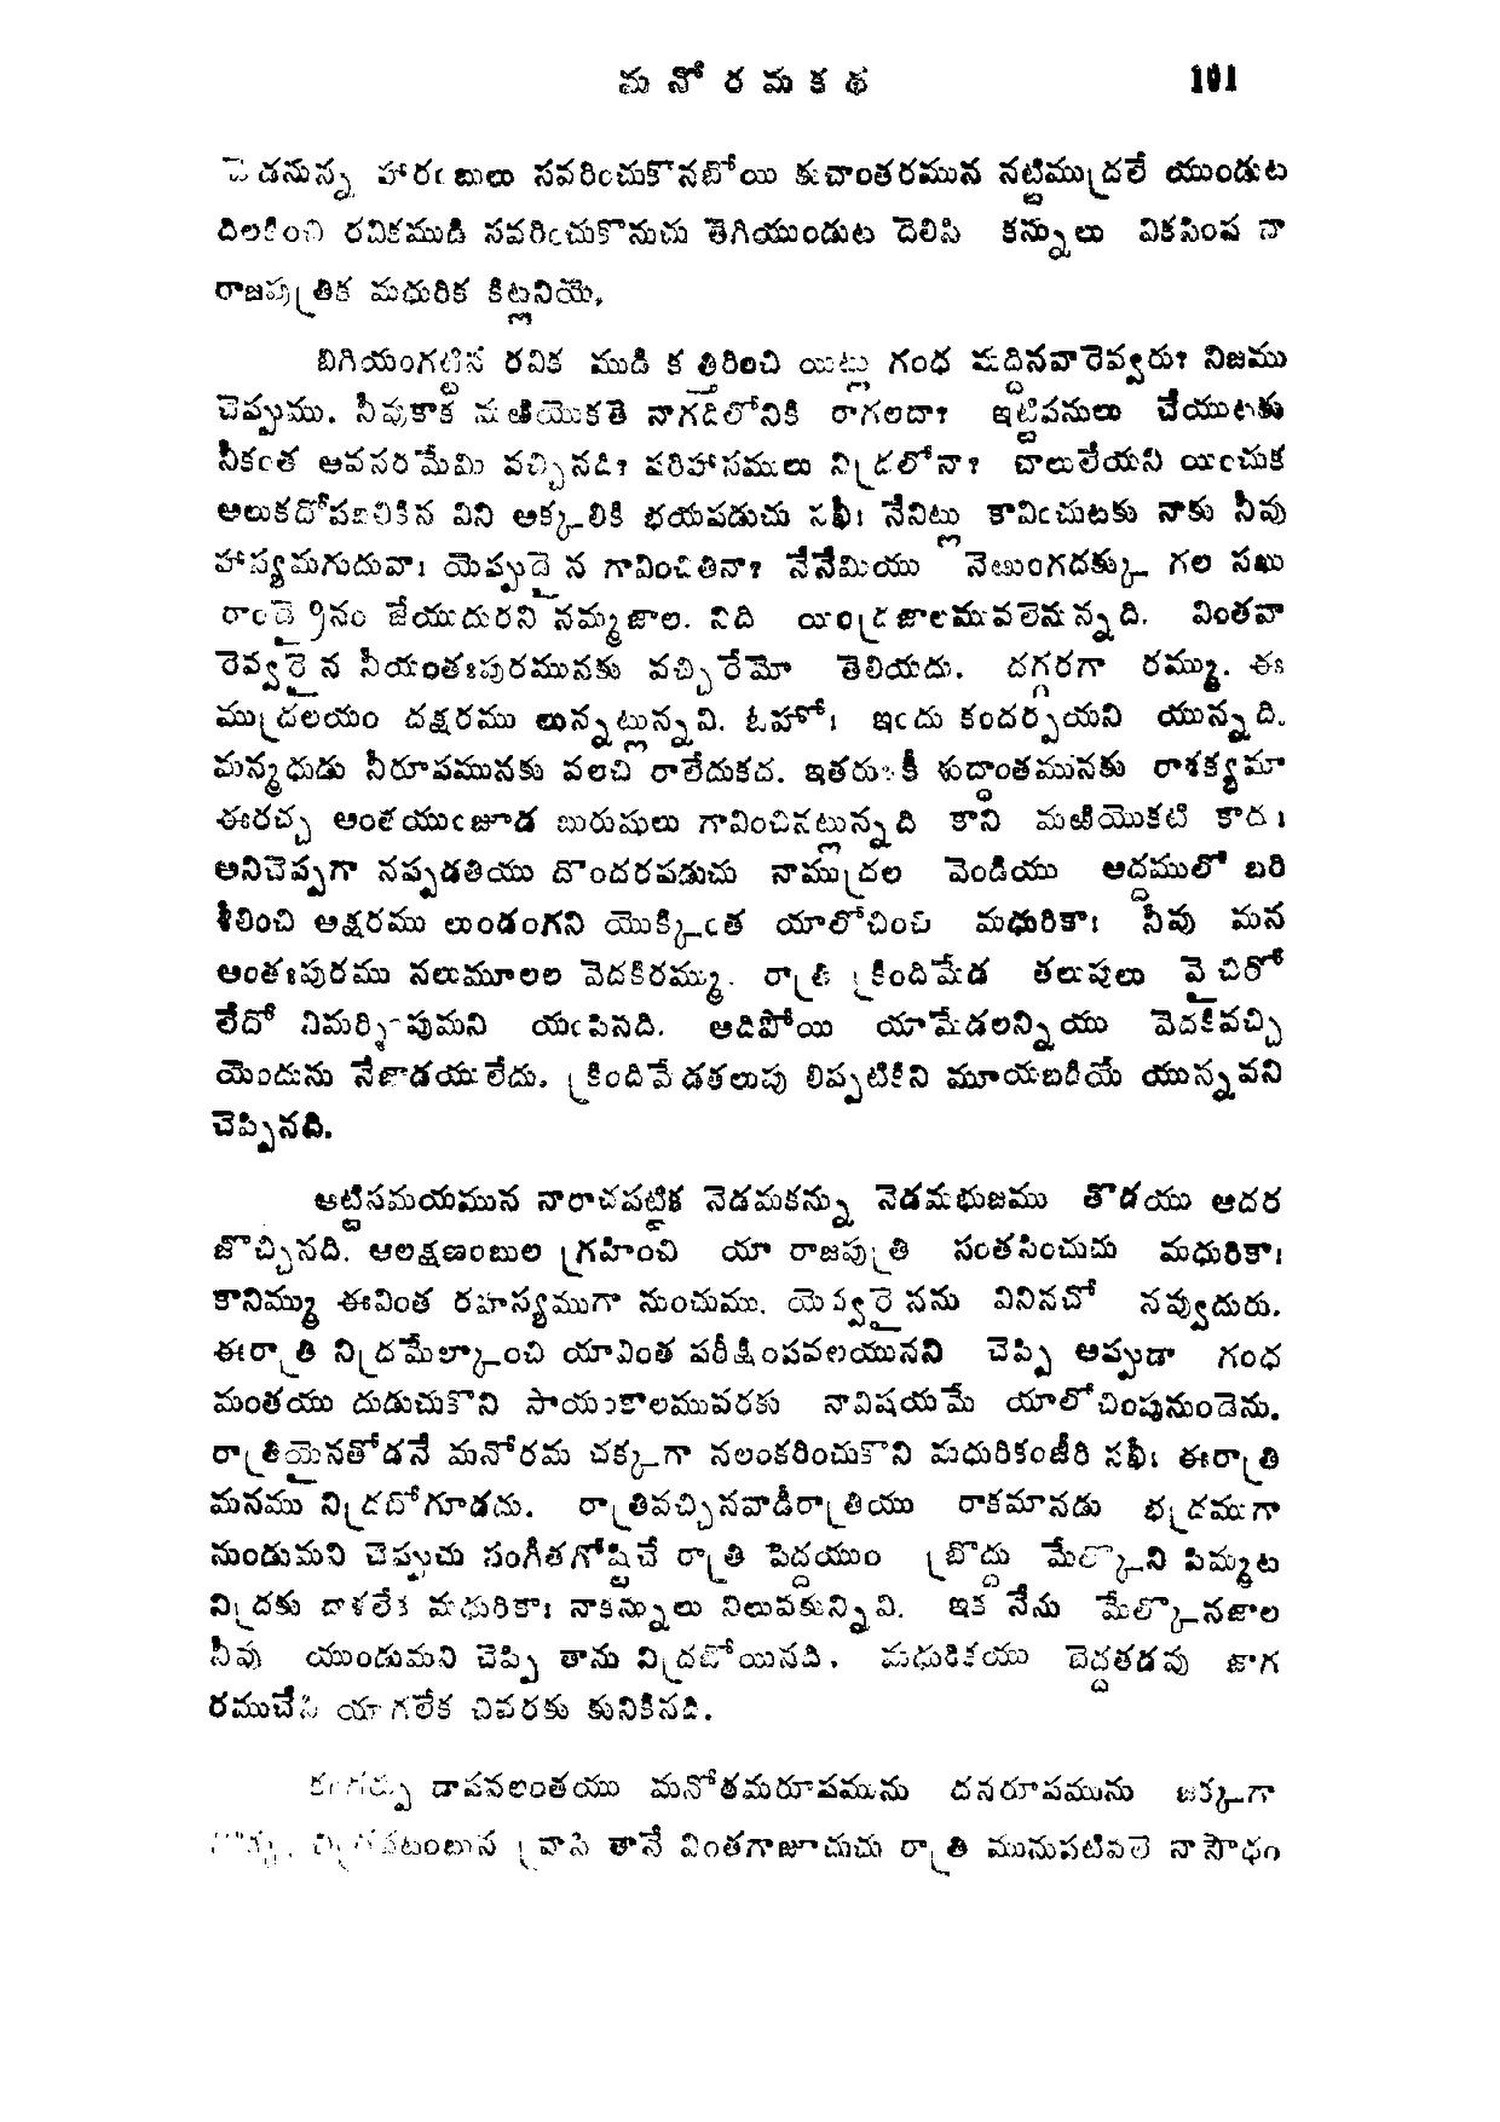మెడనున్న హారంబులు సవరించుకొనబోయి కుచాంతరమున నట్టిముద్రలే యుండుట దిలకించి రవికముడి సవరించుకొనుచు తెగియుండుట దెలిసి కన్నులు వికసింప నా రాజపుత్రిక మధురిక కిట్లనియె.

బిగియంగట్టిన రవిక ముడి కత్తిరించి యిట్లు గంధ మద్దినవారెవ్వరు? నిజము చెప్పుము. నీవుకాక మఱియొకతె నాగదిలోనికి రాగలదా? ఇట్టిపనులు చేయుటకు నీకంత అవసరమేమి వచ్చినది? పరిహాసములు నిద్రలోనా? చాలులేయని యించుక అలుకదోపబలికిన విని అక్కలికి భయపడుచు సఖీ! నేనిట్లు కావించుటకు నాకు నీవు హాస్యమగుదువా! యెప్పుడైన గావించితినా? నేనేమియు నెఱుంగదక్కు గల సఖురాండైనం జేయుదురని నమ్మజాల. నిది యింద్రజాలమువలెనున్నది. వింతవారెవ్వరైన న నీయంతఃపురమునకు వచ్చి రేమో తెలియదు. దగ్గరగా రమ్ము. ఈ ముద్రలయం దక్షరము లున్నట్లున్నవి. ఓహో! ఇందు కందర్పయని యున్నది. మన్మథుడు నీరూపమునకు వలచి రాలేదుకద. ఇతరులకీ శుద్దాంతమునకు రాశక్యమా ఈరచ్చ అంతయుఁ జూడ బురుషులు గావించినట్లున్నది. కాని మఱియొకటి కాదు! అనిచెప్పగా నప్పడతియు దొందరపడుచు నాముద్రల వెండియు అద్దములో బరిశీలించి అక్షరము లుండంగని యొక్కంత యాలోచించి మధురికా! నీవు మన అంతఃపురము నలుమూలల వెదకిరమ్ము. రాత్రి క్రిందిమేడ తలుపులు వైచిరో లేదో విమర్శింపుమని యంపినది. అదిపోయి యామేడలన్నియు వెదకివచ్చి యెందును నేజాడయులేదు. క్రిందిమేడతలుపు లిప్పటికిని మూయబడియే యున్నవని చెప్పినది.

అట్టిసమయమున నారాచపట్టిక నెడమకన్ను నెడమభుజము తొడయు అదర జొచ్చినది. ఆలక్షణంబుల గ్రహించి యా రాజపుత్రి సంతసించుచు మధురికా! కానిమ్ము ఈవింత రహస్యముగా నుంచుము. యెవ్వరైనను వినినచో నవ్వుదురు. ఈరాత్రి నిద్రమేల్కాంచి యావింత పరీక్షింపవలయునని చెప్పి అప్పుడా గంధమంతయు దుడుచుకొని సాయంకాలమువరకు నావిషయమే యాలోచింపుచుండెను. రాత్రియైనతోడనే మనోరమ చక్కగా నలంకరించుకొని మధురికంజీరి సఖీ! ఈరాత్రి మనము నిద్రబోగూడదు. రాత్రివచ్చినవా డీరాత్రియు రాకమానడు భద్రముగా నుండుమని చెప్పుచు సంగీతగోష్టిచే రాత్రి పెద్దయుం బ్రొద్దు మేల్కొని పిమ్మట నిద్రకు దాళలేక మధురికా! నాకన్నులు నిలువకున్నివి. ఇక నేను మేల్కొనజాల నీవు యుండుమని చెప్పి తాను నిద్రబోయినది. మధురికయు బెద్దతడవు జాగరముచేసి యాగలేక చివరకు కునికినది.

కందర్పు డాపవలంతయు మనోరమరూపమును దనరూపమును జక్కగా నొక్కచిత్రపటంబున వ్రాసి తానే వింతగాజూచుచు రాత్రి మునుపటివలె నాసౌధం